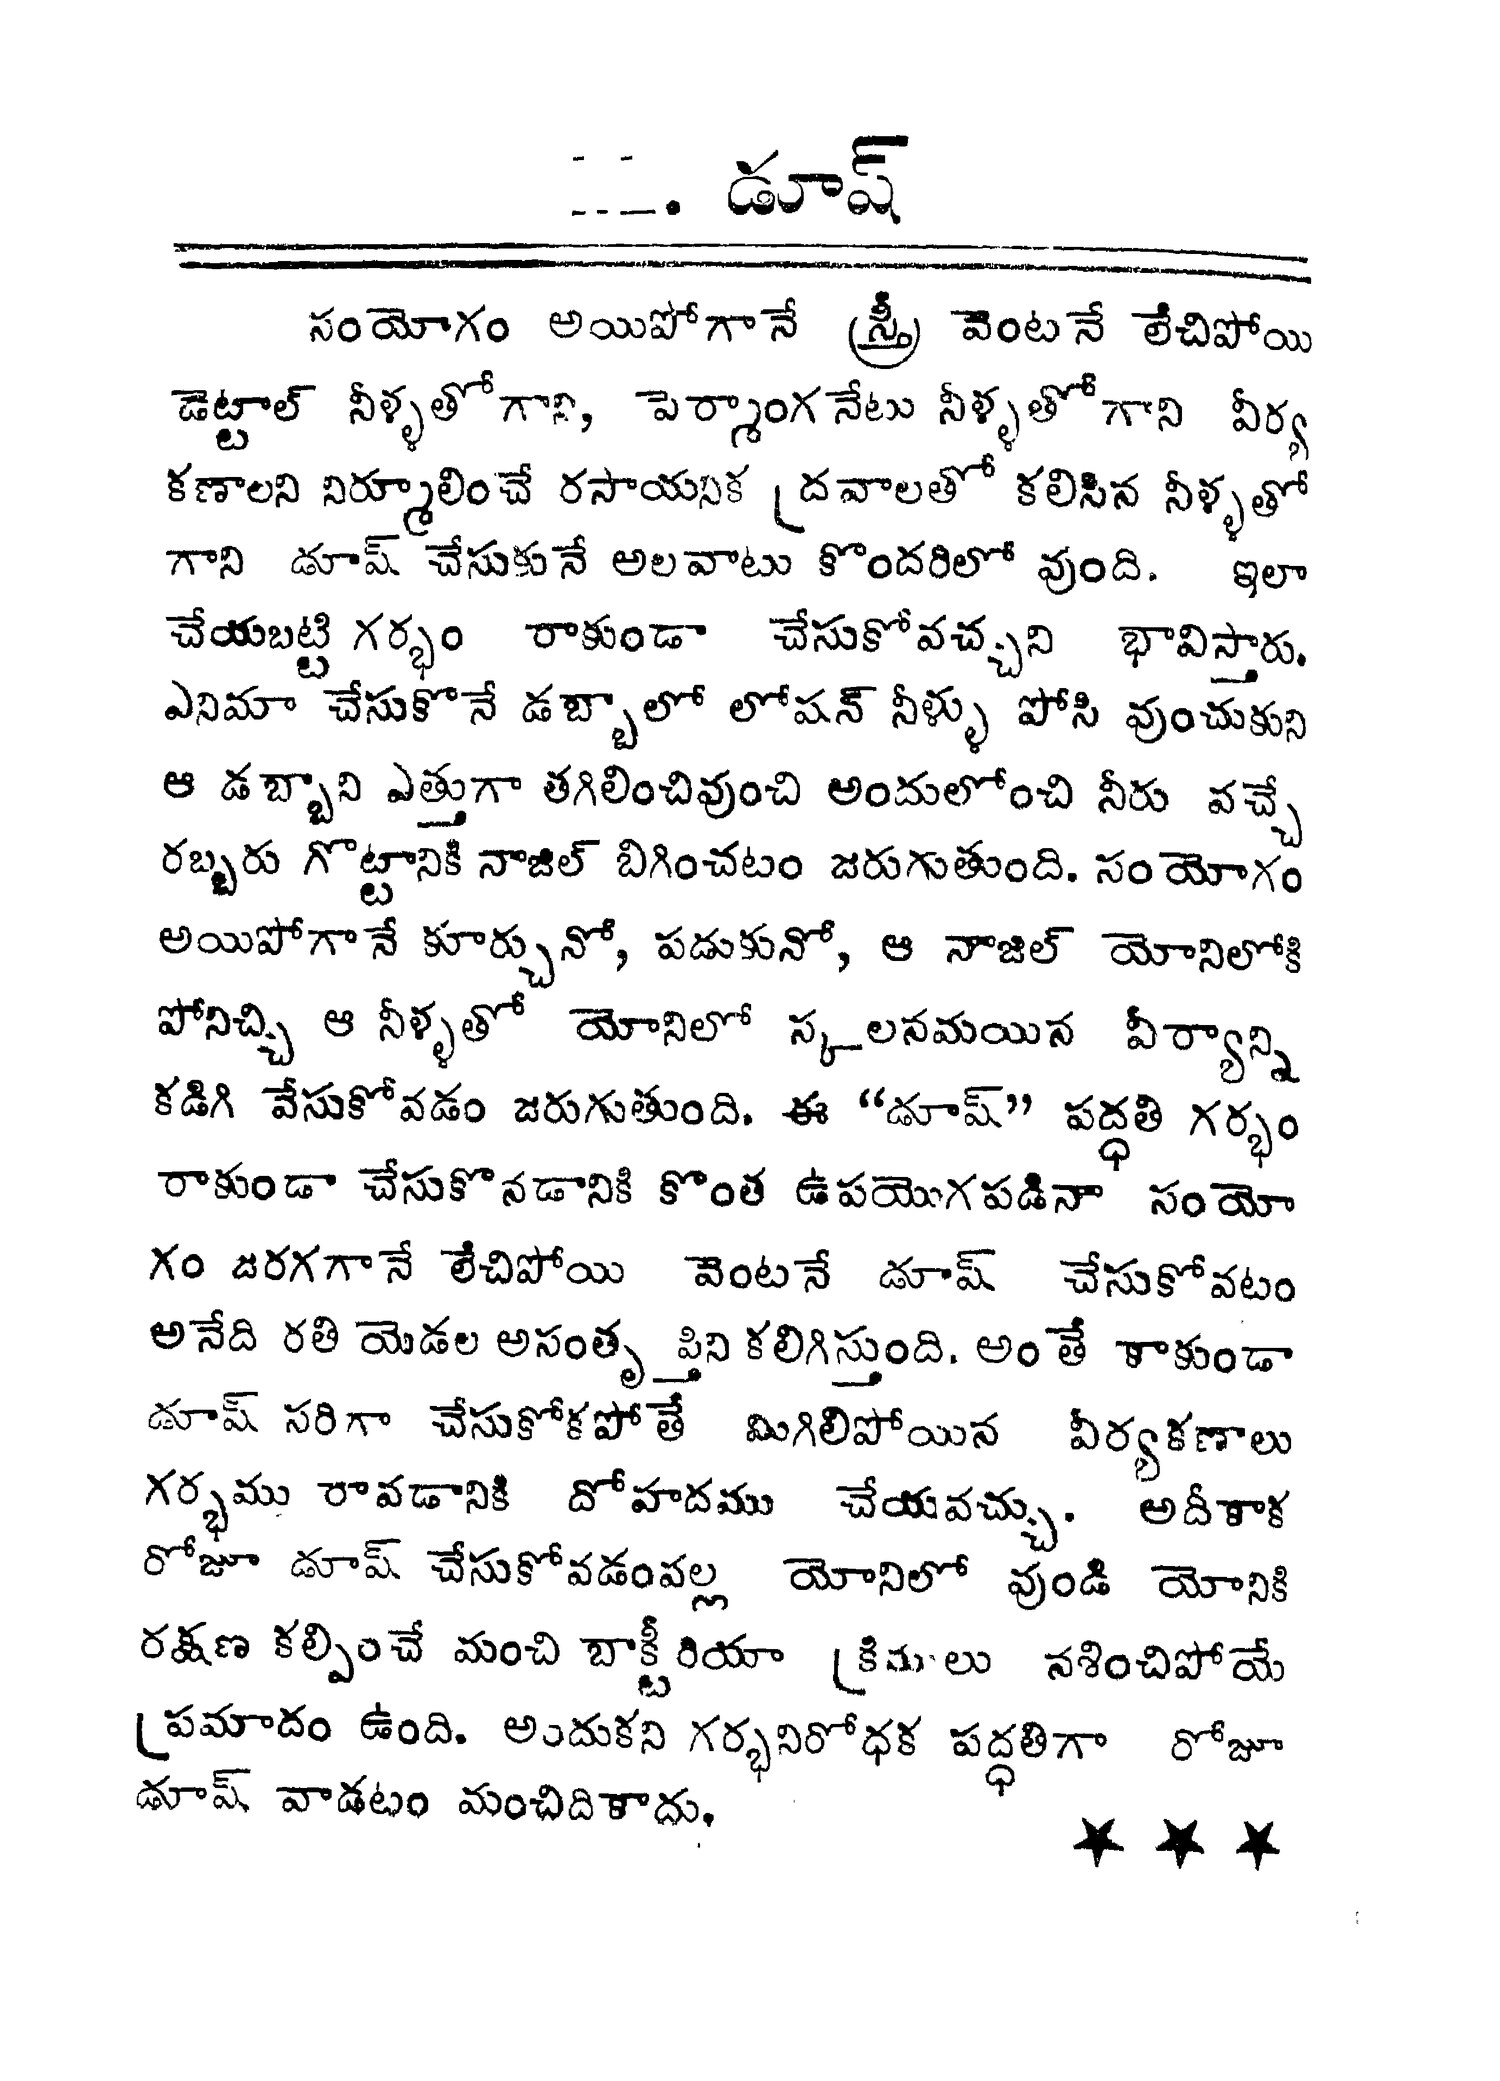సంయోగం అయిపోగానే స్త్రీ వెంటనే లేచిపోయి డెట్టాల్ నీళ్ళతోగాని, పెర్మాంగనేటు నీళ్ళతోగాని వీర్యకణాలని నిర్మూలించే రసాయనిక ద్రవాలతో కలిసిన నీళ్ళతో గాని డూష్ చేసుకునే అలవాటు కొందరిలో వుంది. ఇలా చేయబట్టి గర్భం రాకుండా చేసుకోవచ్చని భావిస్తారు. ఎనిమా చేసుకొనే డబ్బాలో లోషన్ నీళ్ళు పోసి వుంచుకుని ఆ డబ్బాని ఎత్తుగా తగిలించివుంచి అందులోంచి నీరు వచ్చే రబ్బరు గొట్టానికి నాజిల్ బిగించటం జరుగుతుంది. సంయోగం అయిపోగానే కూర్చునో, పడుకునో, ఆ నాజిల్ యోనిలోకి పోనిచ్చి ఆ నీళ్ళతో యోనిలో స్కలనమయిన వీర్యాన్ని కడిగి వేసుకోవడం జరుగుతుంది. ఈ "డూష్" పద్దతి గర్భం రాకుండా చేసుకోవడానికి కొంత ఉపయోగపడినా సంయోగం జరగగానే లేచిపోయి వెంటనే డూష్ చేసుకోవటం అనేది రతి యెడల అసంతృప్తి కలిగిస్తుంది. అంతే కాకుండా డూష్ సరిగా చేసుకోకపోతే మిగిలిపోయిన వీర్యకణాలు గర్భము రావడానికి దోహదము చేయవచ్చు. అదీకాక రోజూ డూష్ చేసుకోవడంవల్ల యోనిలో వుండి యోనికి రక్షణ కల్పించే మంచి బాక్టీరియా క్రిములు నశించిపోయే ప్రమాదం ఉంది. అందుకని గర్భనిరోధక పద్దతిగా రోజూ డూష్ వాడటం మంచిదికాదు.

* * *